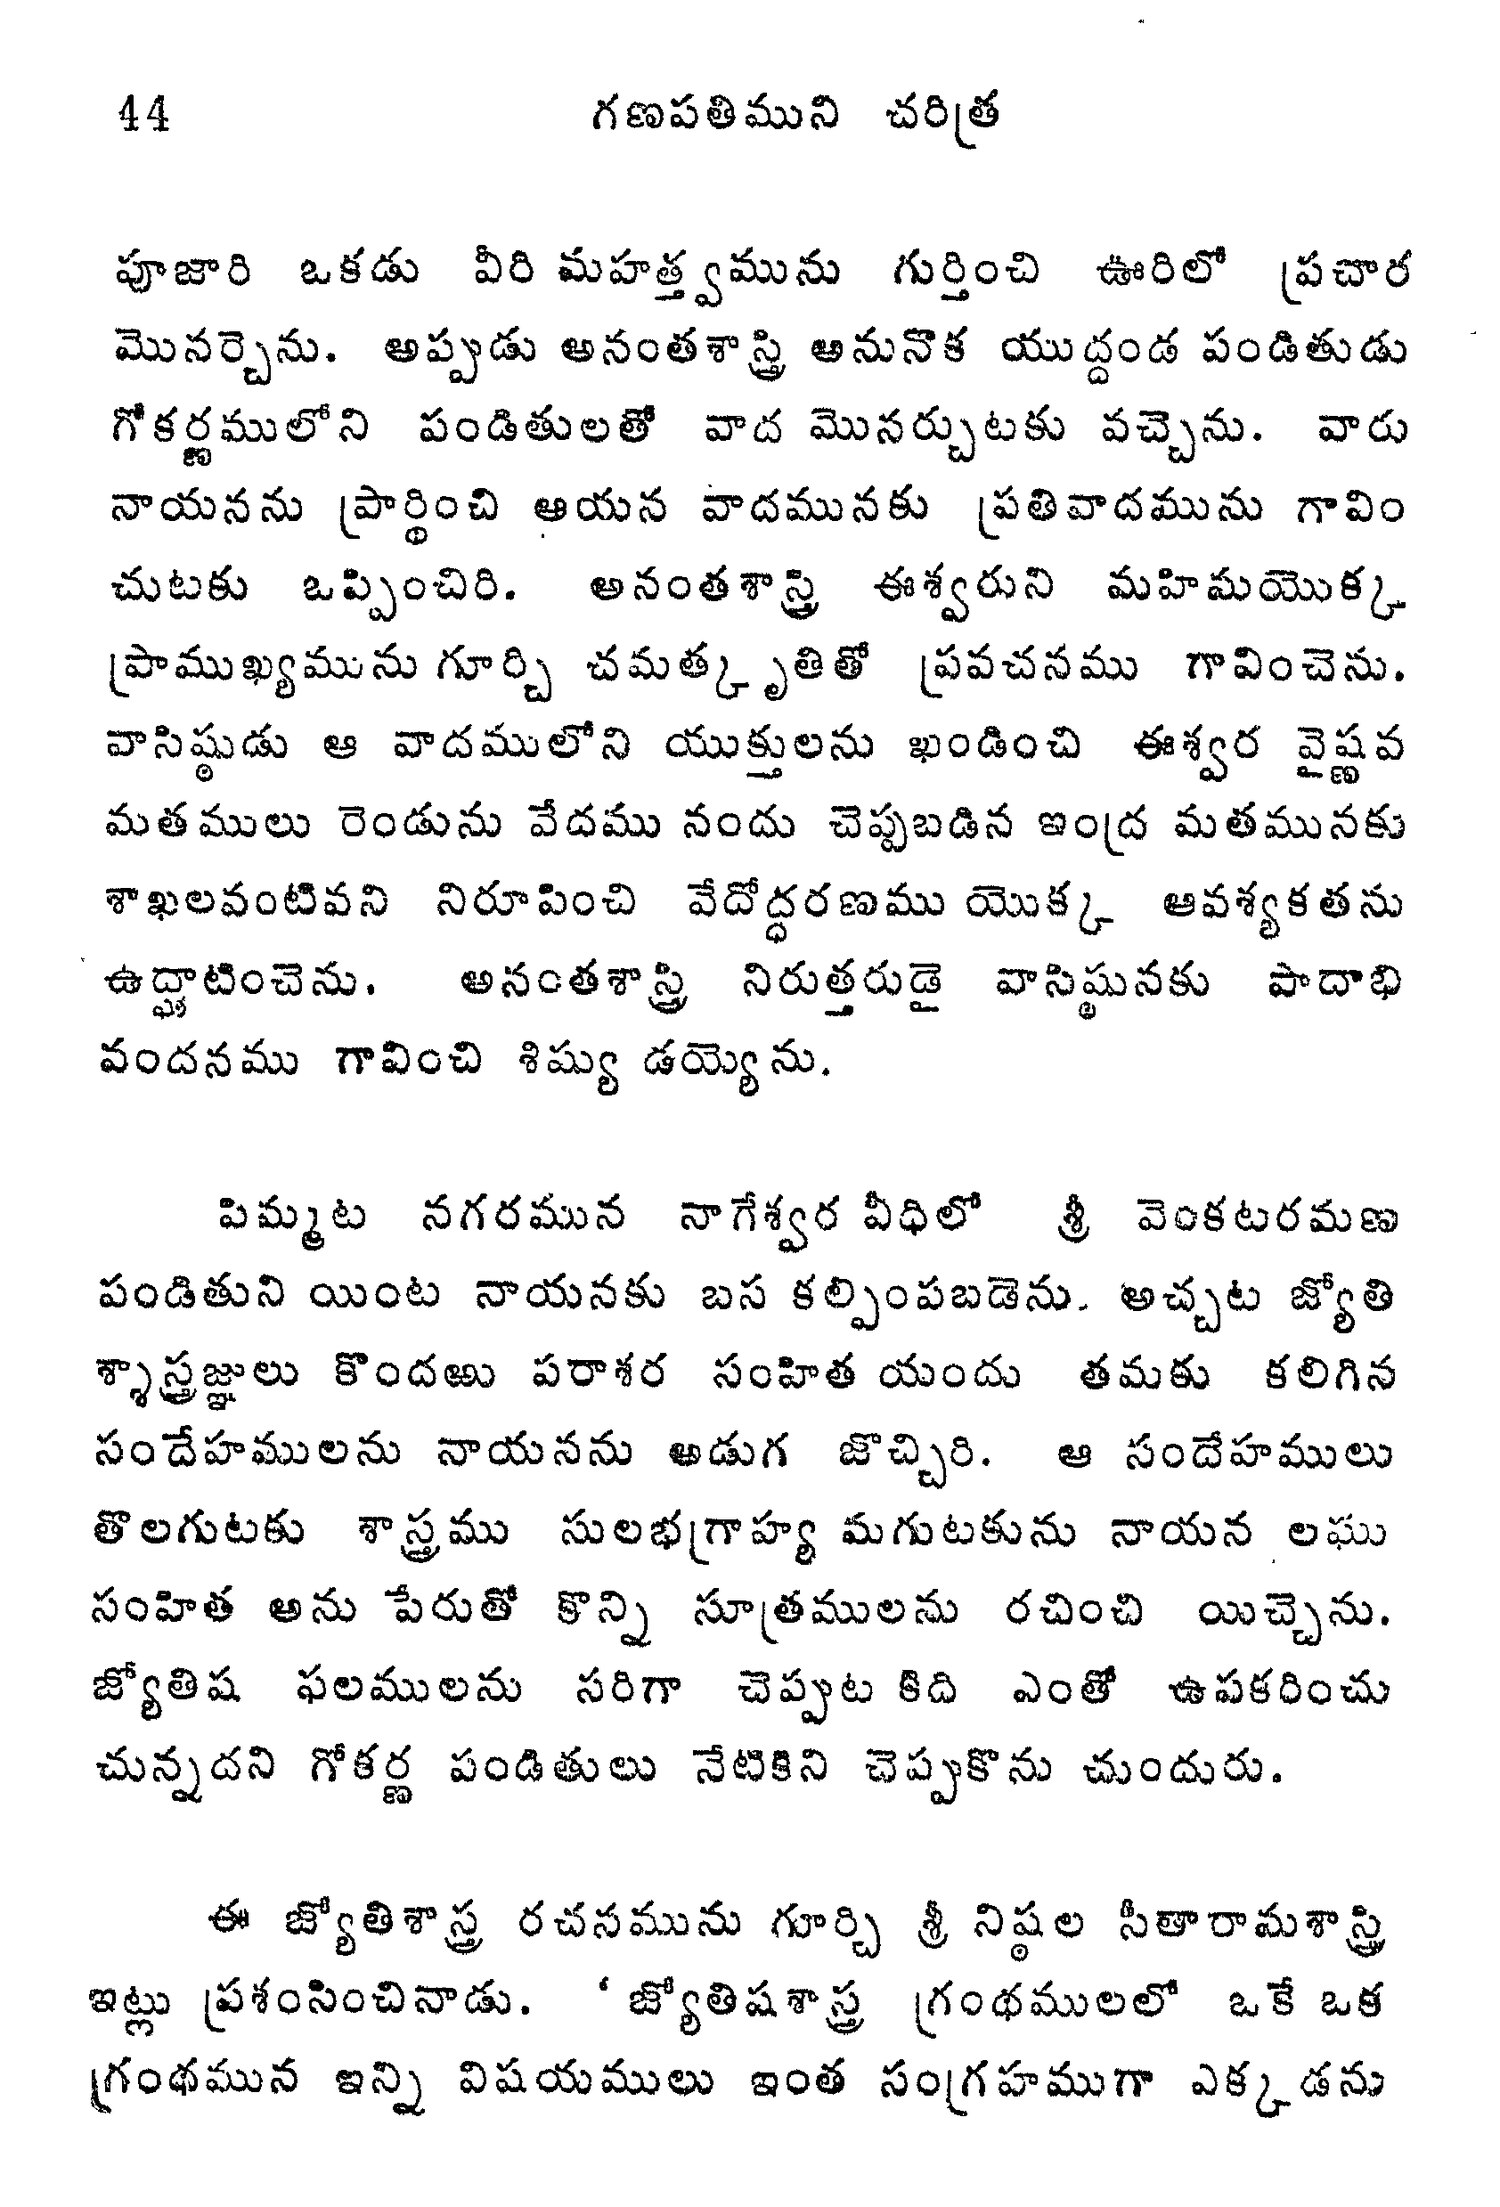పూజారి ఒకడు వీరి మహత్త్వమును గుర్తించి ఊరిలో ప్రచార మొనర్చెను. అప్పుడు అనంతశాస్త్రి అనునొక యుద్దండ పండితుడు గోకర్ణములోని పండితులతో వాద మొనర్చుటకు వచ్చెను. వారు నాయనను ప్రార్థించి ఆయన వాదమునకు ప్రతివాదమును గావించుటకు ఒప్పించిరి. అనంతశాస్త్రి ఈశ్వరుని మహిమయొక్క ప్రాముఖ్యమును గూర్చి చమత్కృతితో ప్రవచనము గావించెను. వాసిష్ఠుడు ఆ వాదములోని యుక్తులను ఖండించి ఈశ్వర వైష్ణవ మతములు రెండును వేదము నందు చెప్పబడిన ఇంద్ర మతమునకు శాఖలవంటివని నిరూపించి వేదోద్ధరణము యొక్క ఆవశ్యకతను ఉద్ఘాటించెను. అనంతశాస్త్రి నిరుత్తరుడై వాసిష్ఠునకు పాదాభి వందనము గావించి శిష్యుడయ్యెను.

పిమ్మట నగరమున నాగేశ్వర వీధిలో శ్రీ వెంకటరమణ పండితుని యింట నాయనకు బస కల్పింపబడెను. అచ్చట జ్యోతిశ్శాస్త్రజ్ఞులు కొందఱు పరాశర సంహిత యందు తమకు కలిగిన సందేహములను నాయనను అడుగ జొచ్చిరి. ఆ సందేహములు తొలగుటకు శాస్త్రము సులభగ్రాహ్య మగుటకును నాయన లఘు సంహిత అను పేరుతో కొన్ని సూత్రములను రచించి యిచ్చెను. జ్యోతిష ఫలములను సరిగా చెప్పుట కిది ఎంతో ఉపకరించు చున్నదని గోకర్ణ పండితులు నేటికిని చెప్పుకొను చుందురు.

ఈ జ్యోతిశాస్త్ర రచనమును గూర్చి శ్రీ నిష్ఠల సీతారామశాస్త్రి ఇట్లు ప్రశంసించినాడు. 'జ్యోతిషశాస్త్ర గ్రంథములలో ఒకే ఒక గ్రంథమున ఇన్ని విషయములు ఇంత సంగ్రహముగా ఎక్కడను